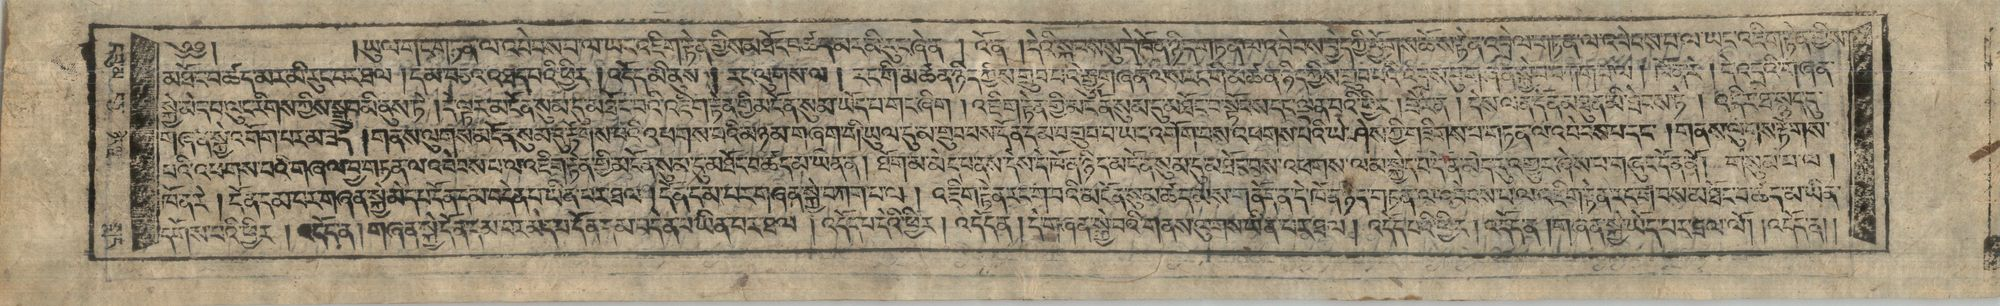༄༅། །ཡུལ་གང་གཏན་ལ་འབེབས་པ་ལ་ཡང་འཇིག་རྟེན་གྱིས་མཐོང་བ་ཚད་མར་མི་རུང་ཞེ་ན། འོ་ན། དེའི་སྐབས་སུ་དེ་ཁོ་ན་ཉིད་གཏན་ལ་འབེབས་བྱེད་ཀྱི་ཕྱོགས་ཆོས་རྟེན་འབྲེལ་གཏན་ལ་འབེབས་པ་ལ་ཡང་འཇིག་རྟེན་གྱིས་
མཐོང་བ་ཚད་མར་མི་རུང་བར་ཐལ། དམ་བཅའ་འཐད་པའི་ཕྱིར། འདོད་མི་ནུས། རང་ལུགས་ལ། རང་གི་མཚན་ཉིད་ཀྱིས་གྲུབ་པའི་རྒྱུ་གཞན་ལས་རང་གི་མཚན་ཉིད་ཀྱིས་གྲུབ་པའི་འབྲས་བུ་གཞན་སྐྱེ་བ་བཀག་པ་ལ། ཁོ་ན་རེ། དེ་འདྲའི་གཞན་
སྐྱེ་མེད་པ་ལུང་རིགས་ཀྱིས་སྒྲུབ་མི་ནུས་ཏེ། དེ་ལྟར་མངོན་སུམ་དུ་མཐོང་བའི་འཇིག་རྟེན་གྱི་མངོན་སུམ་ཡོད་པ་གང་ཞིག །འཇིག་རྟེན་གྱི་མངོན་སུམ་དུ་མཐོང་བ་སྟོབས་དང་ལྡན་པའི་ཕྱིར། ཟེར་ན། དེས་ལན་དོན་མཐུན་མི་ཐེབས་ཏེ། འདིར་ཐ་སྙད་དུ་
གཞན་སྐྱེ་འགོག་པར་མ་ཟད། གནས་ལུགས་མངོན་སུམ་དུ་རྟོགས་པའི་འཕགས་པའི་མཉམ་གཞག་གི་ཡུལ་དུ་མ་གྲུབ་པས་དོན་དམ་པ་གྲུབ་པ་ཡང་འགོག་པས་འཕགས་པའི་ཡེ་ཤེས་ཀྱི་གཟིགས་པ་གཏན་ལ་འབེབས་པ་དང་། གནས་ལུགས་རྟོགས་
པའི་འཕགས་པའི་གཞལ་བྱ་གཏན་ལ་འབེབས་པ་ལ་འཇིག་རྟེན་གྱི་མངོན་སུམ་དུ་མཐོང་བ་ཚད་མ་ཡིན་ན། ཐོག་མ་མེད་པ་ནས་དེས་དེ་ཁོ་ན་ཉིད་མངོན་སུམ་དུ་མངོངྦས་འཕགས་ལམ་སྐྱེད་པ་དོན་མེད་དུ་འགྱུར་ཞེས་པ་གཞུང་དོན་ནོ། གསུམ་པ་ལ།
ཁོ་ན་རེ། དོན་དམ་པར་གཞན་སྐྱེ་མེད་པ་དོན་དམ་བདེན་པ་ཡིན་པར་ཐལ། དོན་དམ་པར་གཞན་སྐྱེ་བཀག་པ་ལ། འཇིག་རྟེན་རང་ག་བའི་མངོན་སུམ་ཚད་མས་གནོད་ན་དེ་ཁོ་ན་ཉིད་གཏན་ལ་འབེབས་པ་ལ་འཇིག་རྟེན་རང་ག་བས་མཐོང་བ་ཚད་མ་ཡིན་
དགོས་པའི་ཕྱིར། འདོད་ན། གཞན་སྐྱེ་དོན་དམ་བར་མེད་པ་དོན་དམ་བདེན་པ་ཡིན་པར་ཐལ། འདོད་པ་དེའི་ཕྱིར། འདོད་ན། དེ་གཞན་སྐྱེ་བའི་གནས་ལུགས་ཡིན་པར་ཐལ། འདོད་པའི་ཕྱིར། འདོད་ན། གཞན་སྐྱེ་ཡོད་པར་ཐལ་ལོ། །འདོད་ན། །